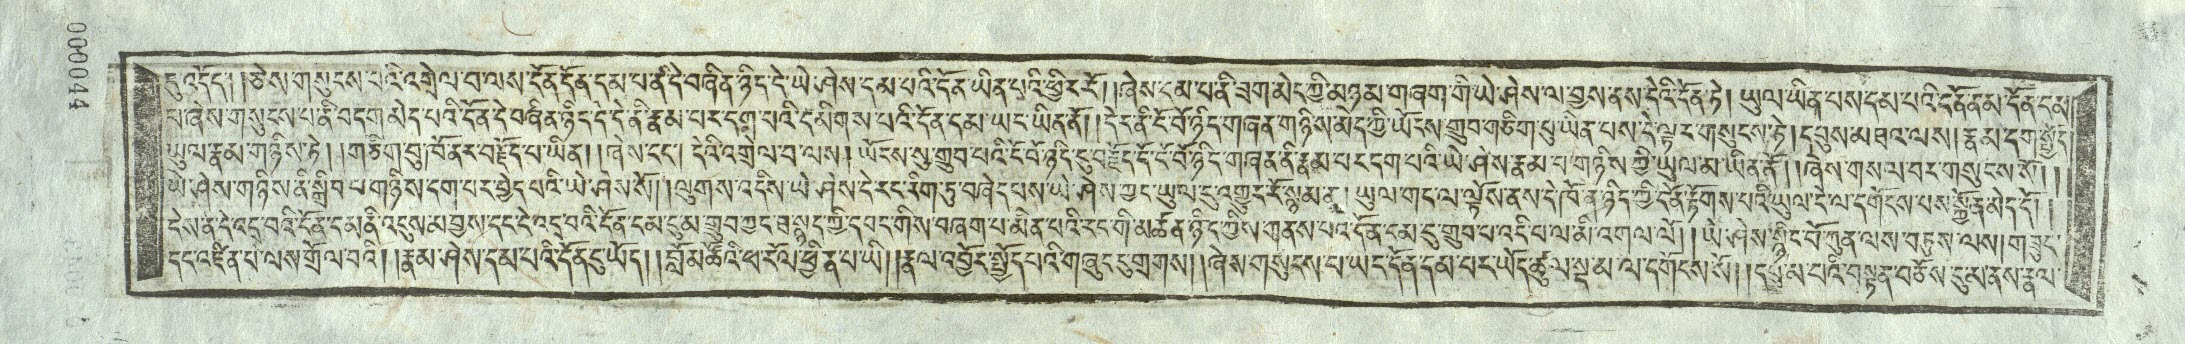དུ་འདོད། །ཅེས་གསུངས་པའི་འགྲེལ་པ་ལས་དོན་དོན་དམ་པ་ནི་དེ་བཞིན་ཉིད་དེ་ཡེ་ཤེས་དམ་པའི་དོན་ཡིན་པའི་ཕྱིར་རོ། །ཞེས་དམ་པ་ནི་ཟག་མེད་ཀྱི་མཉམ་གཞག་གི་ཡེ་ཤེས་ལ་བྱས་ནས་དེའི་དོན་ཏེ། ཡུལ་ཡིན་པས་དམ་པའི་དོན་ནམ་དོན་དམ་
པ་ཞེས་གསུངས་པ་ནི་བདག་མེད་པའི་དོན་དེ་བཞིན་ཉིད་དེ་དེ་ནི་རྣམ་པར་དག་པའི་དམིགས་པའི་དོན་དམ་ཡང་ཡིན་ནོ། །དེར་ནི་ངོ་བོ་ཉིད་གཞན་གཉིས་མེད་ཀྱི་ཡོངས་གྲུབ་གཅིག་པུ་ཡིན་པས་དེ་ལྟར་གསུངས་ཏེ། དབུས་མཐའ་ལས། རྣམ་དག་སྤྱོད་
ཡུལ་རྣམ་གཉིས་ཏེ། །གཅིག་པུ་ཁོ་ནར་བརྗོད་པ་ཡིན། །ཞེས་དང་། དེའི་འགྲེལ་པ་ལས། ཡོངས་སུ་གྲུབ་པའི་ངོ་བོ་ཉིད་དུ་བརྗོད་དོ་ངོ་བོ་ཉིད་གཞན་ནི་རྣམ་པར་དག་པའི་ཡེ་ཤེས་རྣམ་པ་གཉིས་ཀྱི་ཡུལ་མ་ཡིན་ནོ། །ཞེས་གསལ་བར་གསུངས་སོ། །
ཡེ་ཤེས་གཉིས་ནི་སྒྲིབ་པ་གཉིས་དག་པར་བྱེད་པའི་ཡེ་ཤེས་སོ། །ལུགས་འདིས་ཡེ་ཤེས་དེ་རང་རིག་ཏུ་བཞེད་པས་ཡེ་ཤེས་ཀྱང་ཡུལ་དུ་འགྱུར་རོ་སྙམ་ན། ཡུལ་གང་ལ་ལྟོས་ནས་དེ་ཁོ་ན་ཉིད་ཀྱི་དོན་རྟོགས་པའི་ཡུལ་དེ་ལ་དགོངས་པས་སྐྱོན་མེད་དོ། །
དེས་ན་དེ་འདྲ་བའི་དོན་དམ་ནི་འདུས་མ་བྱས་དང་དེ་འདྲ་བའི་དོན་དམ་དུ་མ་གྲུབ་ཀྱང་ཐ་སྙད་ཀྱི་དབང་གིས་བཞག་པ་མིན་པའི་རང་གི་མཚན་ཉིད་ཀྱིས་གནས་པའི་དོན་དམ་དུ་གྲུབ་པ་འདི་པ་ལ་མི་འགལ་ལོ། །ཡེ་ཤེས་སྙིང་པོ་ཀུན་ལས་བཏུས་ལས། གཟུང་
དང་འཛིན་པ་ལས་གྲོལ་བའི། །རྣམ་ཤེས་དམ་པའི་དོན་དུ་ཡོད། །བློ་མཚོའི་ཕ་རོལ་ཕྱིན་པ་ཡི། །རྣལ་འབྱོར་སྤྱོད་པའི་གཞུང་དུ་གྲགས། །ཞེས་གསུངས་པ་ཡང་དོན་དམ་པར་ཡོད་ཚུལ་སྔ་མ་ལ་དགོངས་སོ། །དབུ་མ་པའི་བསྟན་བཅོས་དུ་མ་ནས་རྣལ་